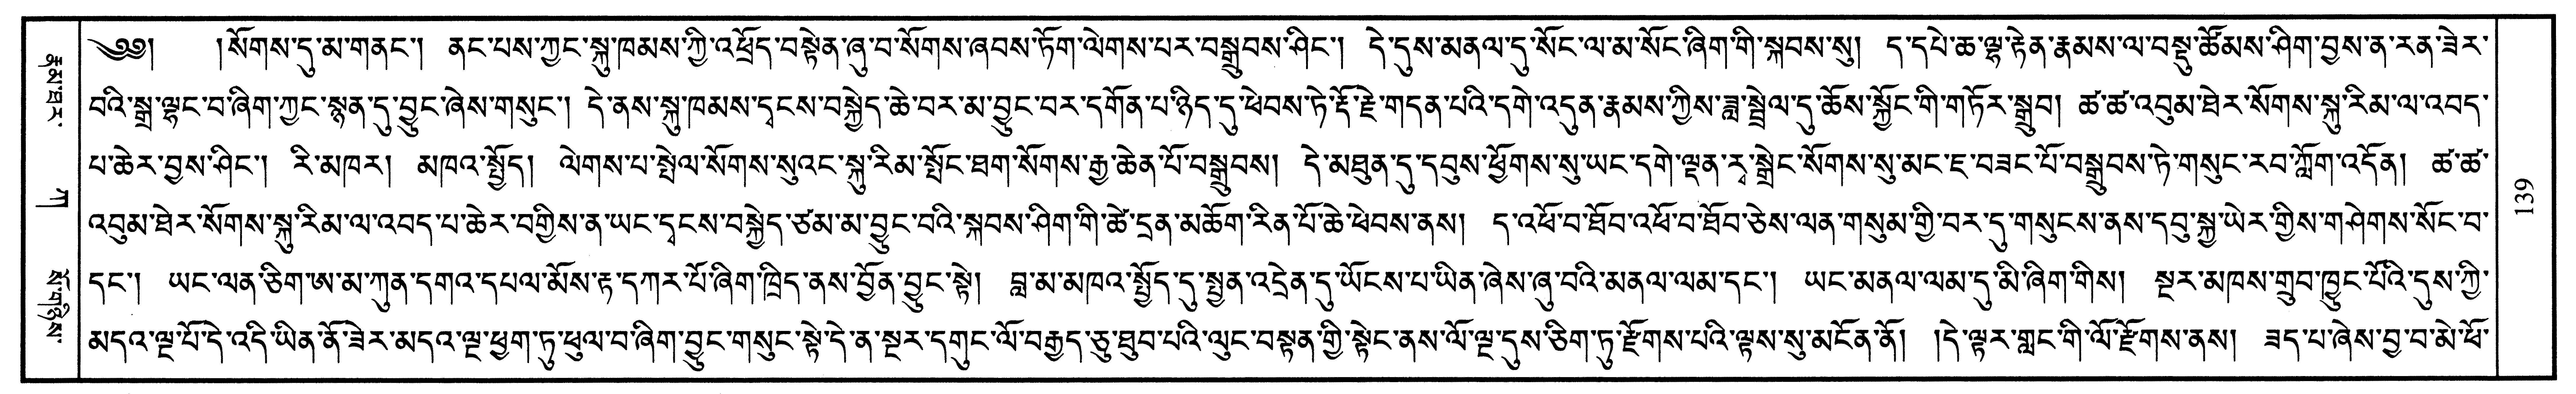༄༅། །སོགས་དུ་མ་གནང་། ནང་པས་ཀྱང་སྐུ་ཁམས་ཀྱི་འཕྲོད་བསྟེན་ཞུ་བ་སོགས་ཞབས་ཏོག་ལེགས་པར་བསྒྲུབས་ཤིང་། དེ་དུས་མནལ་དུ་སོང་ལ་མ་སོང་ཞིག་གི་སྐབས་སུ། ད་དཔེ་ཆ་ལྷ་རྟེན་རྣམས་ལ་བསྡུ་ཚོམས་ཤིག་བྱས་ན་རན་ཟེར་
བའི་སྒྲ་ལྷང་བ་ཞིག་ཀྱང་སྙན་དུ་བྱུང་ཞེས་གསུང་། དེ་ནས་སྐུ་ཁམས་དྭངས་བསྐྱེད་ཆེ་བར་མ་བྱུང་བར་དགོན་པ་ཉིད་དུ་ཕེབས་ཏེ་རྡོ་རྗེ་གདན་པའི་དགེ་འདུན་རྣམས་ཀྱིས་ཟླ་སྤྲེལ་དུ་ཆོས་སྐྱོང་གི་གཏོར་སྒྲུབ། ཚ་ཚ་འབུམ་ཐེར་སོགས་སྐུ་རིམ་ལ་འབད་
པ་ཆེར་བྱས་ཤིང་། རི་མཁར། མཁའ་སྤྱོད། ལེགས་པ་སྤེལ་སོགས་སུའང་སྐུ་རིམ་སྤོང་ཐག་སོགས་རྒྱ་ཆེན་པོ་བསྒྲུབས། དེ་མཐུན་དུ་དབུས་ཕྱོགས་སུ་ཡང་དགེ་ལྡན་རྭ་སྒྲེང་སོགས་སུ་མང་ཇ་བཟང་པོ་བསྒྲུབས་ཏེ་གསུང་རབ་ཀློག་འདོན། ཚ་ཚ་
འབུམ་ཐེར་སོགས་སྐུ་རིམ་ལ་འབད་པ་ཆེར་བགྱིས་ན་ཡང་དྭངས་བསྐྱེད་ཙམ་མ་བྱུང་བའི་སྐབས་ཤིག་གི་ཚེ་དྲན་མཆོག་རིན་པོ་ཆེ་ཕེབས་ནས། ད་འཕོ་བ་ཐོབ་འཕོ་བ་ཐོབ་ཅེས་ལན་གསུམ་གྱི་བར་དུ་གསུངས་ནས་དབུ་སྐྱ་ཡེར་གྱིས་གཤེགས་སོང་བ་
དང་། ཡང་ལན་ཅིག་ཨ་མ་ཀུན་དགའ་དཔལ་མོས་རྟ་དཀར་པོ་ཞིག་ཁྲིད་ནས་བྱོན་བྱུང་སྟེ། བླ་མ་མཁའ་སྤྱོད་དུ་སྤྱན་འདྲེན་དུ་ཡོངས་པ་ཡིན་ཞེས་ཞུ་བའི་མནལ་ལམ་དང་། ཡང་མནལ་ལམ་དུ་མི་ཞིག་གིས། སྔར་མཁས་གྲུབ་ཁྱུང་པོའི་དུས་ཀྱི་
མདའ་ལྔ་པོ་དེ་འདི་ཡིན་ནོ་ཟེར་མདའ་ལྔ་ཕྱག་ཏུ་ཕུལ་བ་ཞིག་བྱུང་གསུང་སྟེ་དེ་ན་སྔར་དགུང་ལོ་བརྒྱད་ཅུ་ཐུབ་པའི་ལུང་བསྟན་གྱི་སྟེང་ནས་ལོ་ལྔ་དུས་ཅིག་ཏུ་རྫོགས་པའི་ལྟས་སུ་མངོན་ནོ། །དེ་ལྟར་གླང་གི་ལོ་རྫོགས་ནས། ཟད་པ་ཞེས་བྱ་བ་མེ་ཕོ་